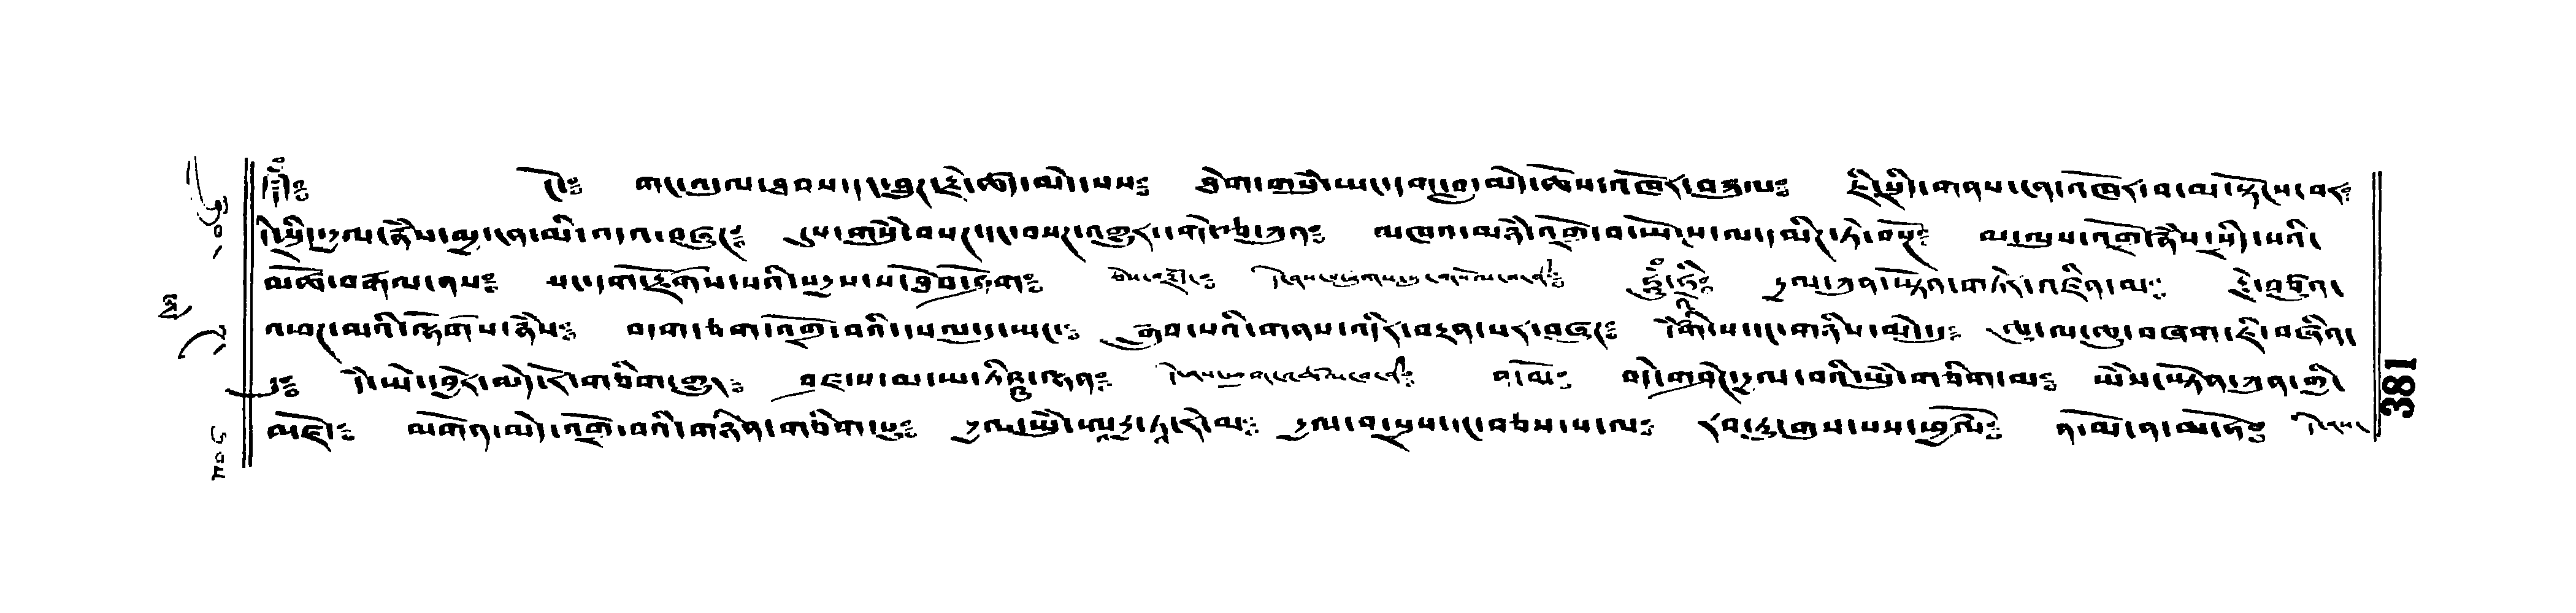ངོ༔ གང་འདུལ་ཐབས་དང་ཐུགས་རྗེ་ཚད་མེད་པས༔ ཐེག་གསུམ་ཡང་དག་བླ་མེད་ཆོས་འཁོར་བསྐུལ༔ ཇི་སྲིད་གནས་ངན་འཁོར་བ་མ་སྟོངས་བར༔ 
དེ་སྲིད་རྒྱལ་རྣམས་མྱ་ངན་མི་འདའ་བཞུགས༔ དུས་གསུམ་བསགས་དང་བསག་འགྱུར་དགེ་རྩ་ཀུན༔ མཁའ་མཉམ་འགྲོ་བ་ཡོངས་ལ་དམིགས་ཏེ་བསྔོ༔ མ་ལུས་འགྲོ་རྣམས་སྲིད་པའི་
མཚོ་བརྒལ་ནས༔ ཡང་དག་རྫོགས་པའི་སངས་རྒྱས་ས་ཐོབ་ཤོག༔ ཅེས་བརྗོད༔ དེ་ནས་བཞུགས་སུ་གསོལ་བ་ནི༔ ཧཱུྃ་ཧྲཱིཿ རྒྱལ་ཀུན་ཡོན་ཏན་གཏེར་འཛིན་མ༔ རྗེ་བཙུན་
འཕགས་མའི་ལྷ་ཚོགས་རྣམས༔ བདག་ཅག་འགྲོ་བའི་དཔལ་དུ་ཡང༔ སྒྲུབ་པའི་གནས་འདིར་བརྟན་པར་བཞུགས༔ དམ་ཚིག་པ་དང་གཉིས་མེད་དུ༔ ཆུ་ལ་ཆུ་བཞག་ཇི་བཞིན་
དུ༔ དམ་ཡེ་དབྱེར་མེད་རོ་གཅིག་གྱུར༔ བཛྲ་ས་མ་ཡ་ཏིཥྛ་ལྷན༔ དེ་ནས་ཕྱག་འཚལ་བ་ནི༔ ན་མོ༔ བདེ་གཤེགས་རྒྱལ་བའི་ཡུམ་གཅིག་མ༔ ཡེ་ཤེས་ཡོན་ཏན་ཀུན་གྱི་
མཛོད༔ མགོན་མེད་འགྲོ་བའི་གཉེན་གཅིག་པུ༔ རྒྱལ་ཡུམ་ཨཱརྻ་ཏཱ་རེ་མ༔ རྒྱལ་བ་སྲས་དང་བཅས་པ་ལ༔རབ་ཏུ་གུས་པས་ཕྱག་འཚལ་ལོ༔ ན་མོ་ན་མ་ཧོཿ དེ་ནས་